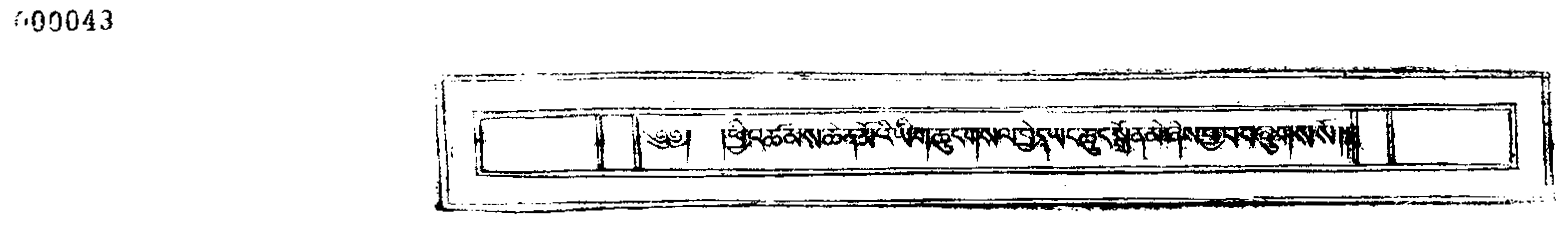༄༅། །ཕྱི་འཚམས་ཆེན་མོའི་ཡིག་ཆུང་གསལ་བྱེད་ཡང་ཆུང་སྒྲོན་མེ་ཞེས་བྱ་བ་བཞུགས་སོ།།